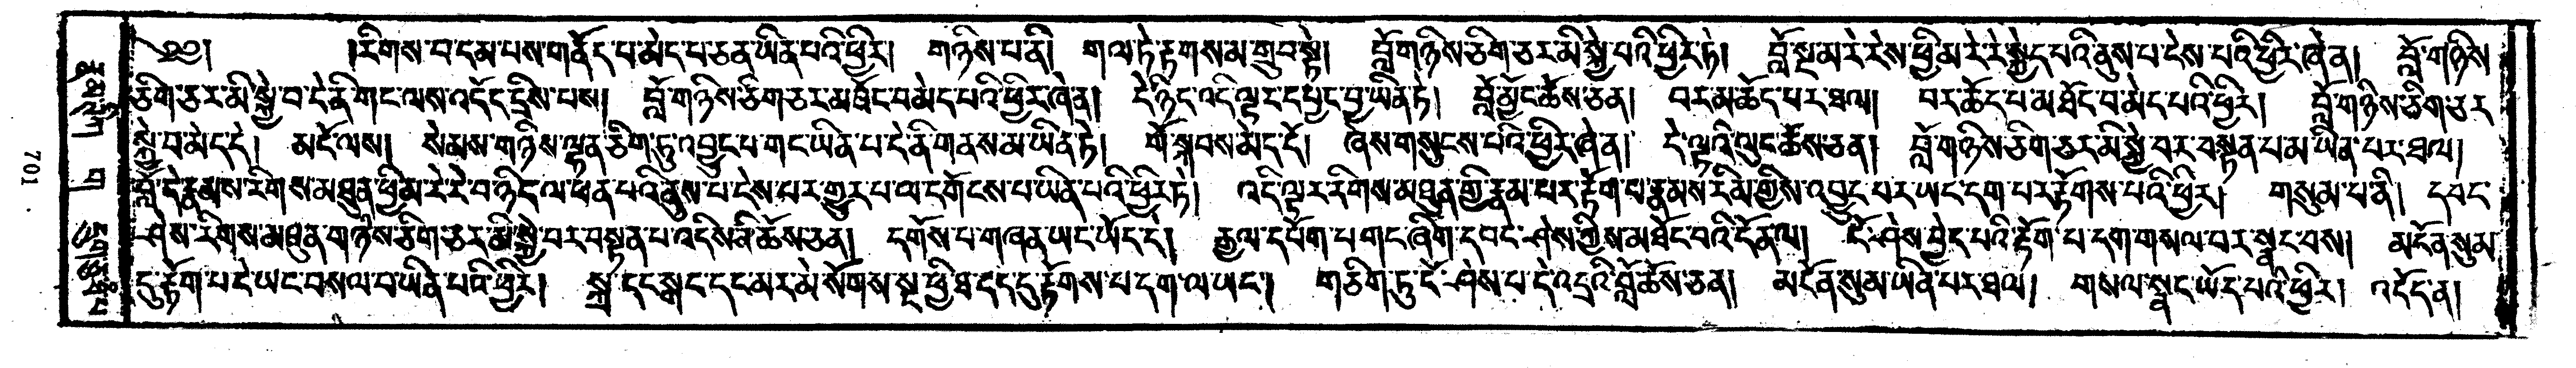༄༅། །རིགས་བ་དམ་པས་གནོད་པ་མེད་པ་ཅན་ཡིན་པའི་ཕྱིར། གཉིས་པ་ནི། གལ་ཏེ་རྟགས་མ་གྲུབ་སྟེ། བློ་གཉིས་ཅིག་ཅར་མི་སྐྱེ་བའི་ཕྱིར་ཏེ། བློ་སྔ་མ་རེ་རེས་ཕྱི་མ་རེ་རེ་སྐྱེད་པའི་ནུས་པ་ངེས་པའི་ཕྱིར་ཞེ་ན། བློ་གཉིས་
ཅིག་ཅར་མི་སྐྱེ་བ་དེ་ནི་གང་ལས་འདོད་དྲིས་པས། བློ་གཉིས་ཅིག་ཅར་མཐོང་བ་མེད་པའི་ཕྱིར་ཞེ་ན། དེ་ཉིད་འདི་ལྟར་དཔྱད་བྱ་ཡིན་ཏེ། བློ་མྱོང་ཆོས་ཅན། བར་མ་ཆོད་པར་ཐལ། བར་ཆོད་པ་མཐོང་བ་མེད་པའི་ཕྱིར། བློ་གཉིས་ཅིག་ཅར་
སྐྱེ་བ་མེད་དེ། མདོ་ལས། སེམས་གཉིས་ལྷན་ཅིག་ཏུ་འབྱུང་པ་གང་ཡིན་པ་དེ་ནི་གནས་མ་ཡིན་ཏེ། གོ་སྐབས་མེད་དོ། ཞེས་གསུངས་པའི་ཕྱིར་ཞེ་ན། དེ་ལྟའི་ལུང་ཆོས་ཅན། བློ་གཉིས་ཅིག་ཅར་མི་སྐྱེ་བར་བསྟན་པ་མ་ཡིན་པར་ཐལ།
བློ་དེ་རྣམས་རིགས་མཐུན་ཕྱི་མ་རེ་རེ་བ་ཉིད་ལ་ཕན་པའི་ནུས་པ་ངེས་པར་གྱུར་པ་ལ་དགོངས་པ་ཡིན་པའི་ཕྱིར་ཏེ། འདི་ལྟར་རིགས་མཐུན་གྱི་རྣམ་པར་རྟོག་པ་རྣམས་རིམ་གྱིས་འབྱུང་པར་ཡང་དག་པར་རྟོགས་པའི་ཕྱིར། གསུམ་པ་ནི། དབང་
ཤེས་རིགས་མཐུན་གཉིས་ཅིག་ཅར་མི་སྐྱེ་བར་བསྟན་པ་འདིས་ནི་ཆོས་ཅན། དགོས་པ་གཞན་ཡང་ཡོད་དེ། རྒྱལ་དཔོག་པ་གང་ཞིག་དབང་ཤེས་ཀྱིས་མཐོང་པའི་དོན་ལ། ངོ་ཤེས་བྱེད་པའི་རྟོག་པ་དག་གསལ་བར་སྣང་བས། མངོན་སུམ་
དུ་རྟོག་པ་དེ་ཡང་བསལ་བ་ཡིན་པའི་ཕྱིར། སྐྲ་དང་སྒང་དང་མར་མེ་སོགས་སྔ་ཕྱི་ཐ་དད་དུ་རྟོགས་པ་དག་ལ་ཡང་། གཅིག་ཏུ་ངོ་ཤེས་པ་དེའི་འདྲའི་བློ་ཆོས་ཅན། མངོན་སུམ་ཡིན་པར་ཐལ། གསལ་སྣང་ཡོད་པའི་ཕྱིར། འདོད་ན།